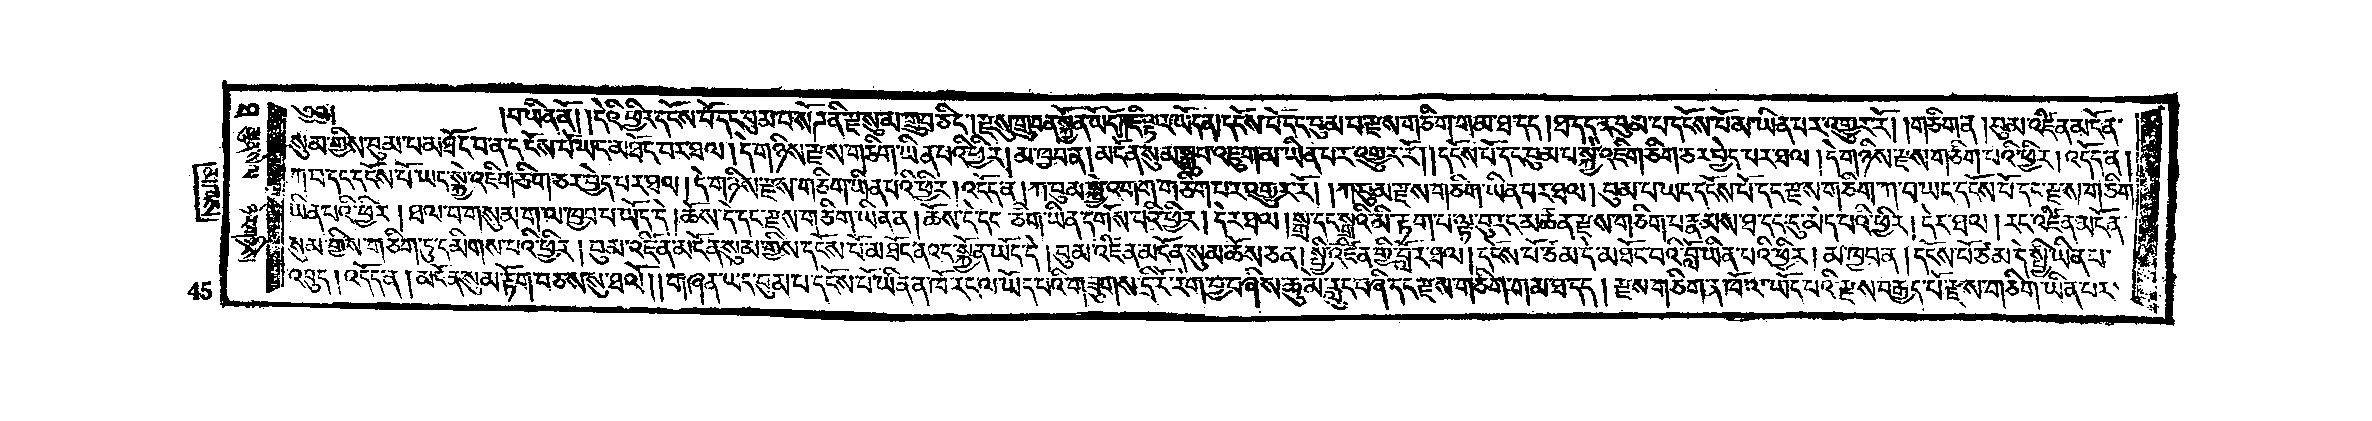༄༅། །པ་ཡིན་ནོ། །དེའི་ཕྱིར་དངོས་པོ་དང་བུམ་པ་སོཌ་ནི་རྫས་སུ་མ་གྲུབ་ཅིང་། རྫས་སུ་གྲུབ་ན་སྐྱོན་ཡོད། །ཇི་ལྟར་ཡོད་ན། དངོས་པོ་དང་བུམ་པ་རྫས་གཅིག་གམ་ཐ་དད། ཐ་དད་ན་བུམ་པ་དངོས་པོ་མ་ཡིན་པར་འགྱུར་རོ། །གཅིག་ན། བུམ་འཛིན་མངོན་
སུམ་གྱིས་བུམ་པ་མཐོང་བ་ན་དངོས་པོ་ཡང་མཐོང་བར་ཐལ། དེ་གཉིས་རྫས་གཅིག་ཡིན་པའི་ཕྱིར། མ་ཁྱབ་ན། མངོན་སུམ་སྒྲུབ་འཇུག་མ་ཡིན་པར་འགྱུར་རོ། །དངོས་པོ་དང་བུམ་པ་སྐྱེ་འཇིག་ཅིག་ཅར་བྱེད་པར་ཐལ། དེ་གཉིས་རྫས་གཅིག་པའི་ཕྱིར། འདོད་ན།
ཀ་བ་དང་དངོས་པོ་ཡང་སྐྱེ་འཇིག་ཅིག་ཅར་བྱེད་པར་ཐལ། དེ་གཉིས་རྫས་གཅིག་ཡིན་པའི་ཕྱིར། འདོད་ན། ཀ་བུམ་སྐྱེ་འགག་གཅིག་པར་འགྱུར་རོ། །ཀ་བུམ་རྫས་གཅིག་ཡིན་པར་ཐལ། བུམ་པ་ཡང་དངོས་པོ་དང་རྫས་གཅིག་ཀ་བ་ཡང་དངོས་པོ་དང་རྫས་གཅིག་
ཡིན་པའི་ཕྱིར། ཐལ་བ་གསུམ་ག་ལ་ཁྱབ་པ་ཡོད་དེ། ཆོས་དེ་དང་རྫས་གཅིག་ཡིན་ན། ཆོས་དེ་དང་ཅིག་ཡིན་དགོས་པའི་ཕྱིར། དེར་ཐལ། སྒྲ་དང་སྒྲའི་མི་རྟག་པ་ལྟ་བུ་རང་མཚན་རྫས་གཅིག་པ་རྣམས་ཐ་དད་དུ་མེད་པའི་ཕྱིར། དེར་ཐལ། རང་འཛིན་མངོན་
སུམ་གྱིས་གཅིག་ཏུ་དམིགས་པའི་ཕྱིར། བུམ་འཛིན་མངོན་སུམ་གྱིས་དངོས་པོ་མཐོང་ནའང་སྐྱོན་ཡོད་དེ། བུམ་འཛིན་མངོན་སུམ་ཆོས་ཅན། སྤྱི་འཛིན་གྱི་བློར་ཐལ། དངོས་པོ་ཙམ་དེ་མཐོང་བའི་བློ་ཡིན་པའི་ཕྱིར། མ་ཁྱབ་ན། དངོས་པོ་ཙམ་དེ་སྤྱི་ཡིན་པ་
འབུད། འདོད་ན། མངོན་སུམ་རྟོག་བཅས་སུ་ཐལ་ལོ། །གཞན་ཡང་བུམ་པ་དངོས་པོ་ཡིན་ན་ཁོ་རང་ལ་ཡོད་པའི་གཟུགས་དྲི་རོ་རེག་བྱ་བཞི་ས་ཆུ་མེ་རླུང་བཞི་དང་རྫས་གཅིག་གམ་?་ཐ་དད། རྫས་གཅིག་ན་ཁོ་ལ་ཡོད་པའི་རྫས་བརྒྱད་པོ་རྫས་གཅིག་ཡིན་པར་